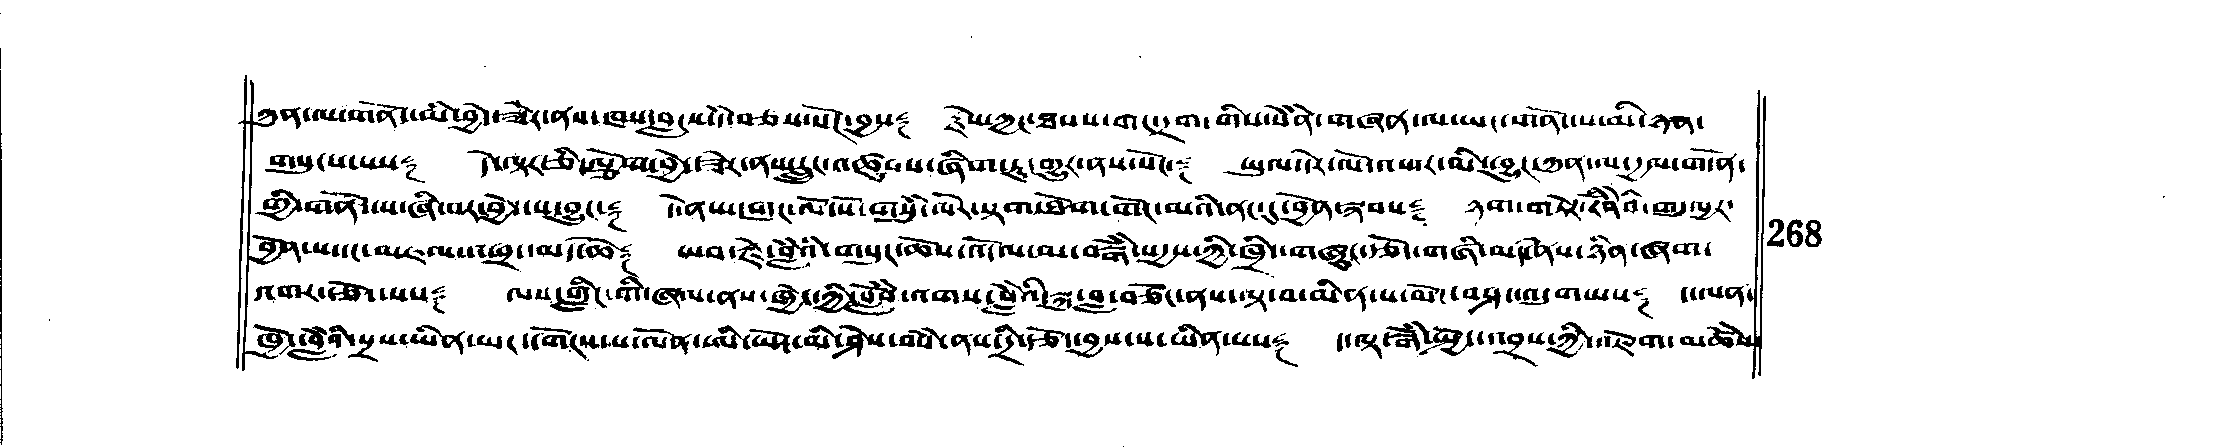ཀུན་ལ་གནོད་མི་བྱེད་ཟེར་ནས་ཁས་བླངས་དམ་བཅས་སོགས་བྱས། རྗེས་ཀྱང་ཐབས་གང་དྲག་གིས་སེམས་ཅན་གཞན་ལ་ཡང་གནོད་པ་མི་ཉན་
གསུངས་པས། དེ་ལྟར་ཅི་ལྕོགས་བྱེད་ཟེར་ནས་རླུང་འཚུབས་ཞིག་ཏུ་གྱུར་ནས་སོང་། ཡུལ་དེར་ལོ་འགར་མི་ཕྱུགས་ཀུན་ལ་རྒྱལ་གདོན་གྱི་གནོད་
པ་ཞི་བར་བྱེད་པ་བྱུང་། དེ་ནས་དགུང་ལོ་སོ་གསུམ་ལོར་སྟག་ཐོག་གོང་མའི་ནང་དུ་བྱོན་སྐབས། ཉག་གཏེར་རིན་པོ་ཆེ་གདུལ་བྱར་
བྱོན་པ་དང་མཇལ་འཕྲད་མཛད་ཚེ། ཡབ་རྗེ་བླ་མའི་གསུང་ཆོས་འོད་གསལ་མ་བསྒོམ་སངས་རྒྱས་ཀྱི་ཁྲིད་གཞུང་རྩོད་གཞི་མཛད་ནས་ཉིན་ཞག་
འགར་རྩོད་པས། ལས་གླིང་གི་ཞལ་ནས་ཁྱེད་ཀྱི་སློབ་མ་འགས་བློ་མའི་སྐུ་བླ་བཙོང་ནས་ལྟ་བ་མིན་པ་མང་པོ་བཤད་འདུག་པས། ད་ལན་
ཁྱོད་བླ་མའི་སྲས་ཡིན་ཡང་དགོངས་པ་ལོན་ཨི་ཡོད་མི་ཤེས་བསམ་ནས་དྲི་རྩོད་བྱས་པ་ཡིན་པས། ད་ལྟ་སྒོམ་སྤྱོད་འབྲས་ཀྱི་འཇོག་མཚམས་